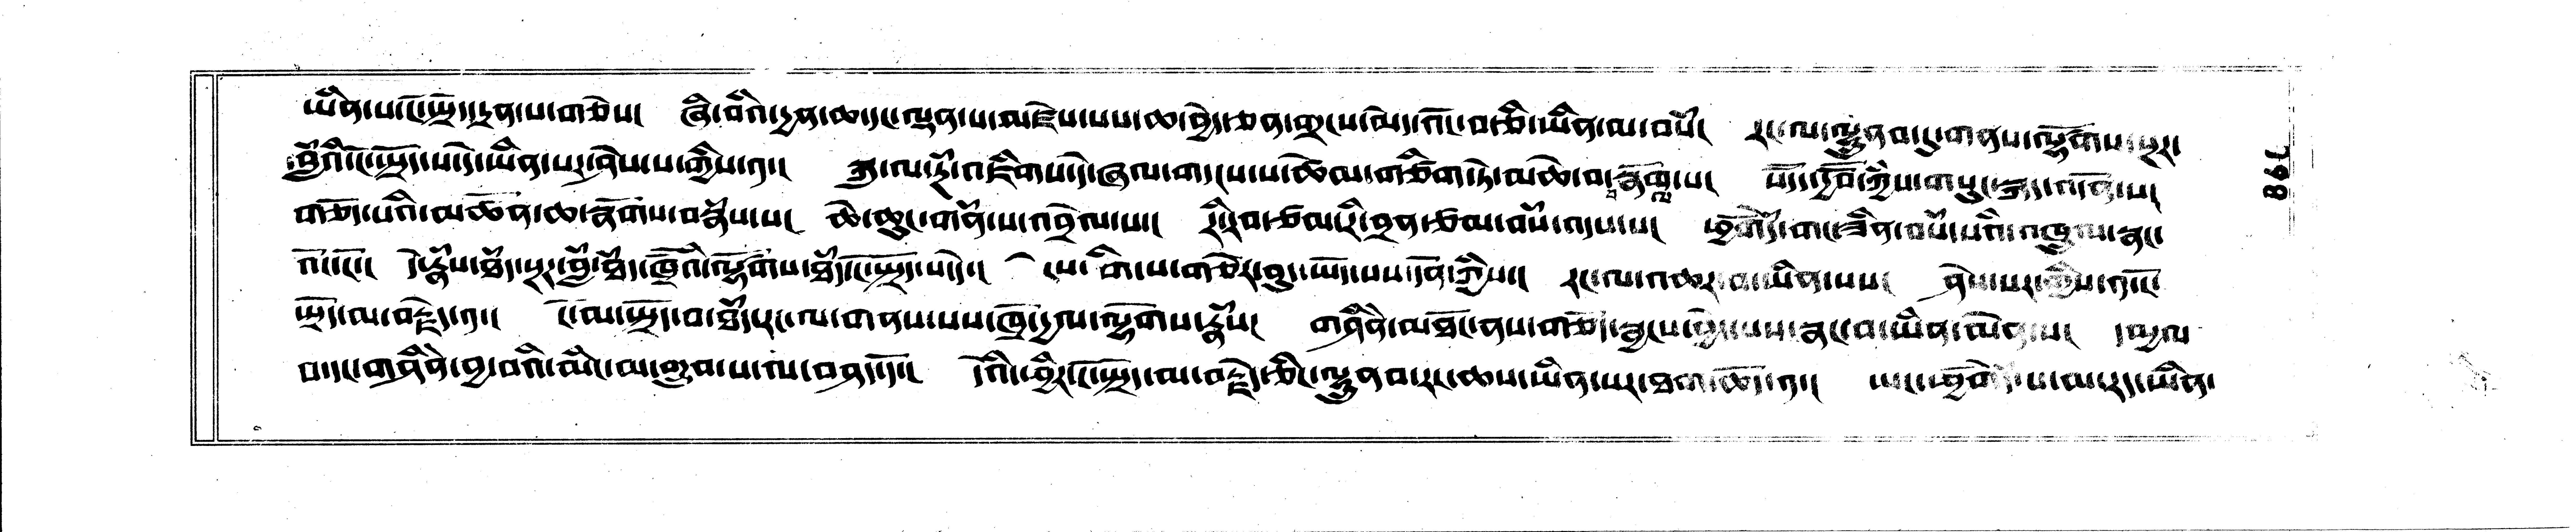ངོ་སྤྲོད་དྲན་པ་གཅེས། ཞི་བའི་རྒྱན་ཆ་དང་ལྡན་པ་མཛེས་པའི་ཆ་བྱད་ཅན་གྲངས་མེད་འོང་བ་ཅི་ཡིན་མ་བསམ། རང་ལ་ལྷུན་གྲུབ་དུ་གནས་ལྷ་ཚོགས་སྔར། 
བླ་མའི་ངོ་སྤྲོད་པ་དེ་ཡིན་པར་ཤེས་པ་གྱིས་ཅིག སྐུ་ལ་རྔམ་འཇིགས་དེ་ཞལ་གདངས་པ་ཚེམས་གཙིགས་ཏེ་མཆེ་བ་བསྣོལ་བ། སོད་སོད་རྒྱོབ་རྒྱོབ་ཀྱི་གསུང་སྐད་འདོན་པ། 
གཅོད་པའི་མཚོན་ཆ་སྣ་ཚོགས་བསྣམས་པ། ཆེ་ཆུང་གནམ་ས་འབྲེལ་པ། རི་རབ་ཙམ་རི་བྲན་ཙམ་བསམ་འདས་པ། ཕྱོགས་མེད་གང་ཟིན་བསམ་པའི་འཁྲུལ་སྣང་
འོང་ངོ་། །དེ་རྣམས་ཐམས་ཅད་སྔར་བླ་མ་ཐམས་ཅད་ཁྲོ་བོའི་ལྷ་ཚོགས་ཐམས་ཅད་ངོ་སྤྲོད་པ་དེ། དེ་དུས་རིག་པ་གཅེར་བུད་ཡོད་པས་དོན་གྱིས། རང་ལ་འཆར་བ་ཡིན་པས། ཤེས་པར་གྱིས་ཅིག་ངོ་
ད་མ་བརྗེད་ཅིག ངོ་མ་སྤྲོད་བ་ཐམས་ཅད་རང་ལ་གནས་པའི་ཁྲོ་རྒྱལ་ལྷ་ཚོགས་རྣམས། གཤིན་རྗེ་མཐོང་ནས་གཅོད་སྦྱོང་བྱེད་པའི་སྣང་བ་ཡིན་མེན་པ། དམྱལ་
བ་དང་གཤིན་རྗེ་བྱ་བའི་མིང་མ་གྲུབ་པ་ལ་བཤད་དོ། །དེའི་ཕྱིར་ངོ་སྤྲོད་མ་བརྗེད་ཅིང་ལྷུན་གྲུབ་རང་ཆས་ཡིན་པར་ཐག་ཆོད་ཅིག ཡང་ཕྱོགས་མེད་པ་མ་རད་’རེད’ཡིན་